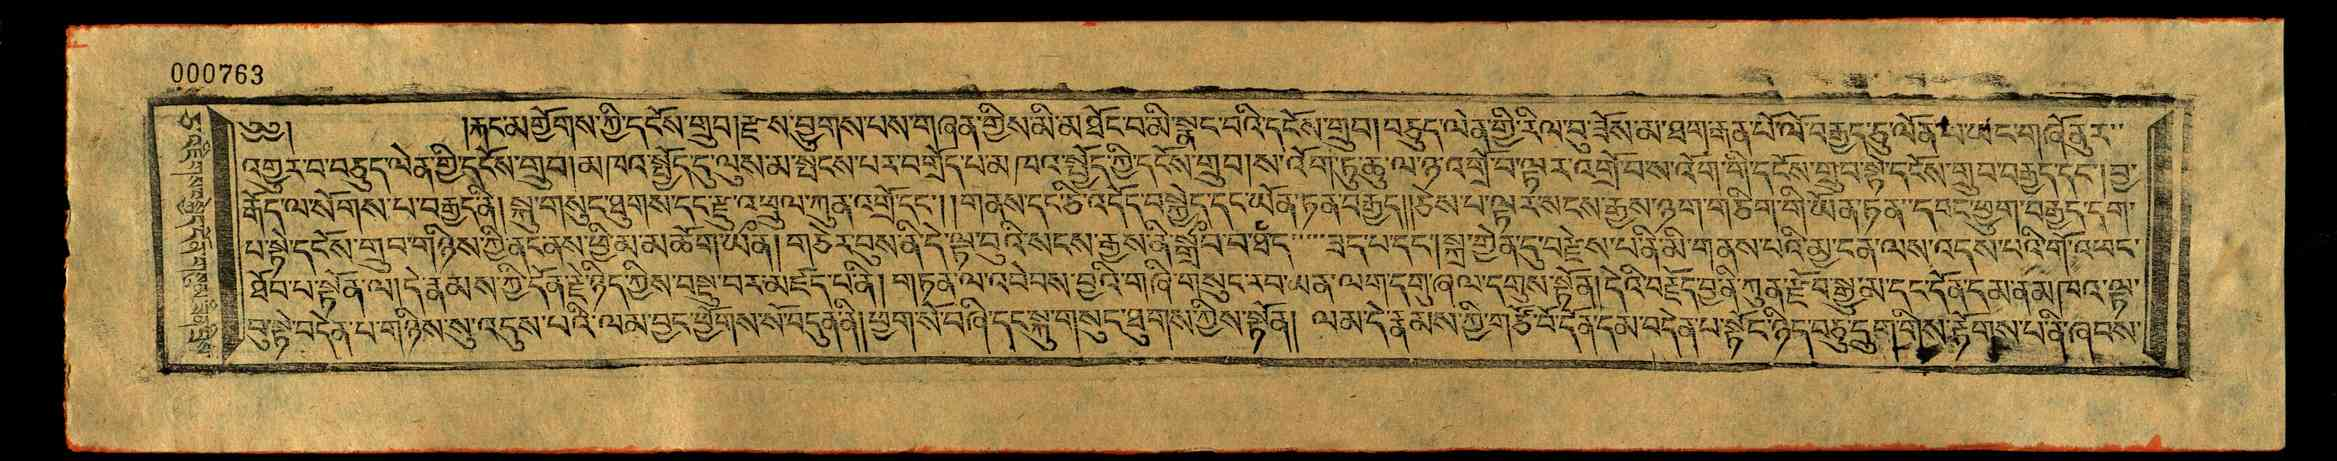༄༅། །རྐང་མགྱོགས་ཀྱི་དངོས་གྲུབ། རྫས་བྱུགས་པས་གཞན་གྱིས་མི་མཐོང་བ་མི་སྣང་བའི་དངོས་གྲུབ། བཅུད་ལེན་གྱི་རིལ་བུ་ཟོས་མ་ཐག་རྒན་པོ་ལོ་བརྒྱད་ཅུ་ལོན་པ་ཡང་གཞོན་ནུར་
འགྱུར་བ་བཅུད་ལེན་གྱི་དངོས་གྲུབ། མཁའ་སྤྱོད་དུ་ལུས་མ་སྤངས་པར་བགྲོད་པ་མཁའ་སྤྱོད་ཀྱི་དངོས་གྲུབ། ས་འོག་ཏུ་ཆུ་ལ་ཉ་འགྲོ་བ་ལྟར་འགྲོ་བ་ས་འོག་གི་དངོས་གྲུབ་སྟེ་དངོས་གྲུབ་བརྒྱད་དང་། བྱ་
རྒོད་ལ་སོགས་པ་བརྒྱད་ནི། སྐུ་གསུང་ཐུགས་དང་རྫུ་འཕྲུལ་ཀུན་འགྲོ་དང་། །གནས་དང་ཅི་འདོད་བསྐྱེད་དང་ཡོན་ཏན་བརྒྱད། །ཅེས་པ་ལྟར་སངས་རྒྱས་ཉག་གཅིག་གི་ཡོན་ཏན་དབང་ཕྱུག་བརྒྱད་དག་
པ་སྟེ་དངོས་གྲུབ་གཉིས་ཀྱི་ནང་ནས་ཕྱི་མ་མཆོག་ཡིན། གཅེར་བུས་ནི་དེ་ལྟ་བུའི་སངས་རྒྱས་ནི་སྒྲིབ་པ་ཐམས་ཅད་ཟད་པ་དང་། སྐྲ་གྱེན་དུ་བརྫེས་པ་ནི་མི་གནས་པའི་མྱ་ངན་ལས་འདས་པའི་གོ་འཕང་
ཐོབ་པ་སྟོན་ལ། དེ་རྣམས་ཀྱི་དོན་རྗེ་ཉིད་ཀྱིས་བསྡུ་བར་མཛད་པ་ནི། གཏན་ལ་འབེབས་བྱའི་གཞི་གསུང་རབ་ཡན་ལག་དགུ་ཞལ་དགུས་སྟོན། དེའི་བརྗོད་བྱ་ནི་ཀུན་རྫོབ་སྒྱུ་མ་དང་དོན་དམ་ནམ་མཁའ་ལྟ་
བུ་སྟེ་བདེན་པ་གཉིས་སུ་འདུས་པའི་ལམ་བྱང་ཕྱོགས་སོ་བདུན་ནི། ཕྱག་སོ་བཞི་དང་སྐུ་གསུང་ཐུགས་ཀྱིས་སྟོན། ལམ་དེ་རྣམས་ཀྱི་གཙོ་བོ་དོན་དམ་བདེན་པ་སྟོང་ཉིད་བཅུ་དྲུག་གིས་རྟོགས་པ་ནི་ཞབས་